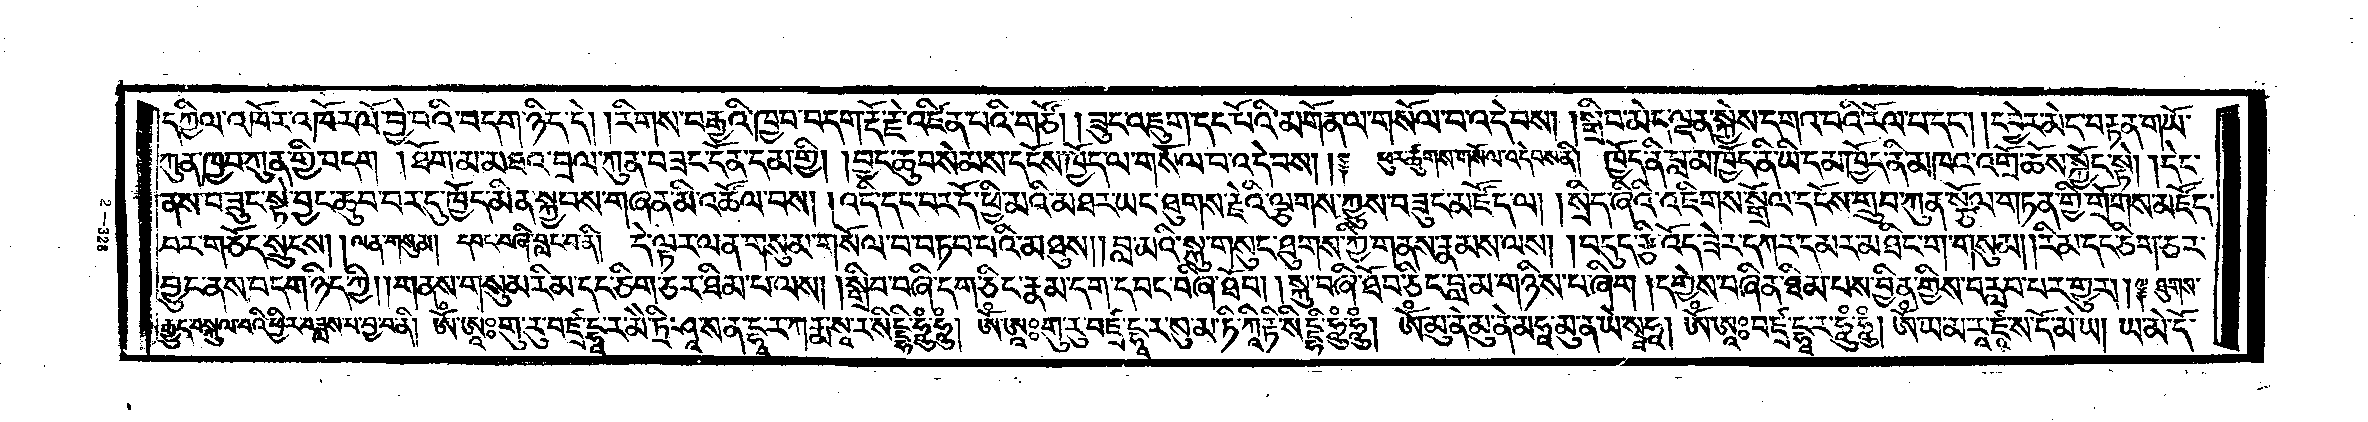དཀྱིལ་འཁོར་འཁོར་ལོ་བྱེ་བའི་བདག་ཉིད་དེ། །རིགས་བརྒྱའི་ཁྱབ་བདག་རྡོ་རྗེ་འཛིན་པའི་གཙོ། །ཟུང་འཇུག་དང་པོའི་མགོན་ལ་གསོལ་བ་འདེབས། །སྒྲིབ་མེད་ལྡན་སྐྱེས་དགའ་བའི་རོལ་པ་དང་། །དབྱེར་མེད་བརྟན་གཡོ་
ཀུན་ཁྱབ་ཀུན་གྱི་བདག །ཐོག་མ་མཐའ་བྲལ་ཀུན་བཟང་དོན་དམ་གྱི། །བྱང་ཆུབ་སེམས་དངོས་ཁྱོད་ལ་གསོལ་བ་འདེབས། ། ༈ ཕུར་ཚུགས་གསོལ་འདེབས་ནི།  ཁྱོད་ནི་བླ་མ་ཁྱོད་ནི་ཡི་དམ་ཁྱོད་ནི་མཁའ་འགྲོ་ཆོས་སྐྱོང་སྟེ། །དེང་
ནས་བཟུང་སྟེ་བྱང་ཆུབ་བར་དུ་ཁྱོད་མིན་སྐྱབས་གཞན་མི་འཚོལ་བས། །འདི་དང་བར་དོ་ཕྱི་མའི་མཐར་ཡང་ཐུགས་རྗེའི་ལྕགས་ཀྱུས་བཟུང་མཛོད་ལ། །སྲིད་ཞིའི་འཇིགས་སྒྲོལ་དངོས་གྲུབ་ཀུན་སྩོལ་གཏན་གྱི་གྲོགས་མཛོད་
བར་གཅོད་སྲུངས། །ལན་གསུམ། དབང་བཞི་བླང་བ་ནི།  དེ་ལྟར་ལན་གསུམ་གསོལ་བ་བཏབ་པའི་མཐུས། །བླ་མའི་སྐུ་གསུང་ཐུགས་ཀྱི་གནས་རྣམས་ལས། །བདུད་རྩི་འོད་ཟེར་དཀར་དམར་མཐིང་ག་གསུམ། །རིམ་དང་ཅིག་ཅར་
བྱུང་ནས་བདག་ཉིད་ཀྱི། །གནས་གསུམ་རིམ་དང་ཅིག་ཅར་ཐིམ་པ་ལས། །སྒྲིབ་བཞི་དག་ཅིང་རྣམ་དག་དབང་བཞི་ཐོབ། །སྐུ་བཞི་ཐོབ་ཅིང་བླ་མ་གཉིས་པ་ཞིག །དགྱེས་བཞིན་ཐིམ་པས་བྱིན་གྱིས་བརླབ་པར་གྱུར། །༈ ཐུགས་
རྒྱུད་བསྐུལ་བའི་ཕྱིར་བཟླས་པ་བྱ་བ་ནི། ཨོཾ་ཨཱཿགུ་རུ་བཛྲ་དྷཱ་ར་མཻ་ཏྲི་ཤཱ་ས་ན་དྷཱ་ར་ཀརྨ་སཱ་ར་སིདྡྷི་ཧཱུཾ་ཧཱུཾ། ཨོཾ་ཨཱཿགུ་རུ་བཛྲ་དྷཱ་ར་སུ་མ་ཏི་ཀཱིརྟི་སིདྡྷི་ཧཱུཾ་ཧཱུཾ། ཨོཾ་མུ་ནེ་མུ་ནེ་མཧཱ་མུ་ན་ཡེ་སྭཱཧཱ། ཨོཾ་ཨཱཿབཛྲ་དྷཱ་ར་ཧཱུཾ་ཧཱུཾ། ཨོཾ་ཡ་མ་རཱ་ཛཱ་ས་དོ་མེ་ཡ། ཡ་མེ་དོ་